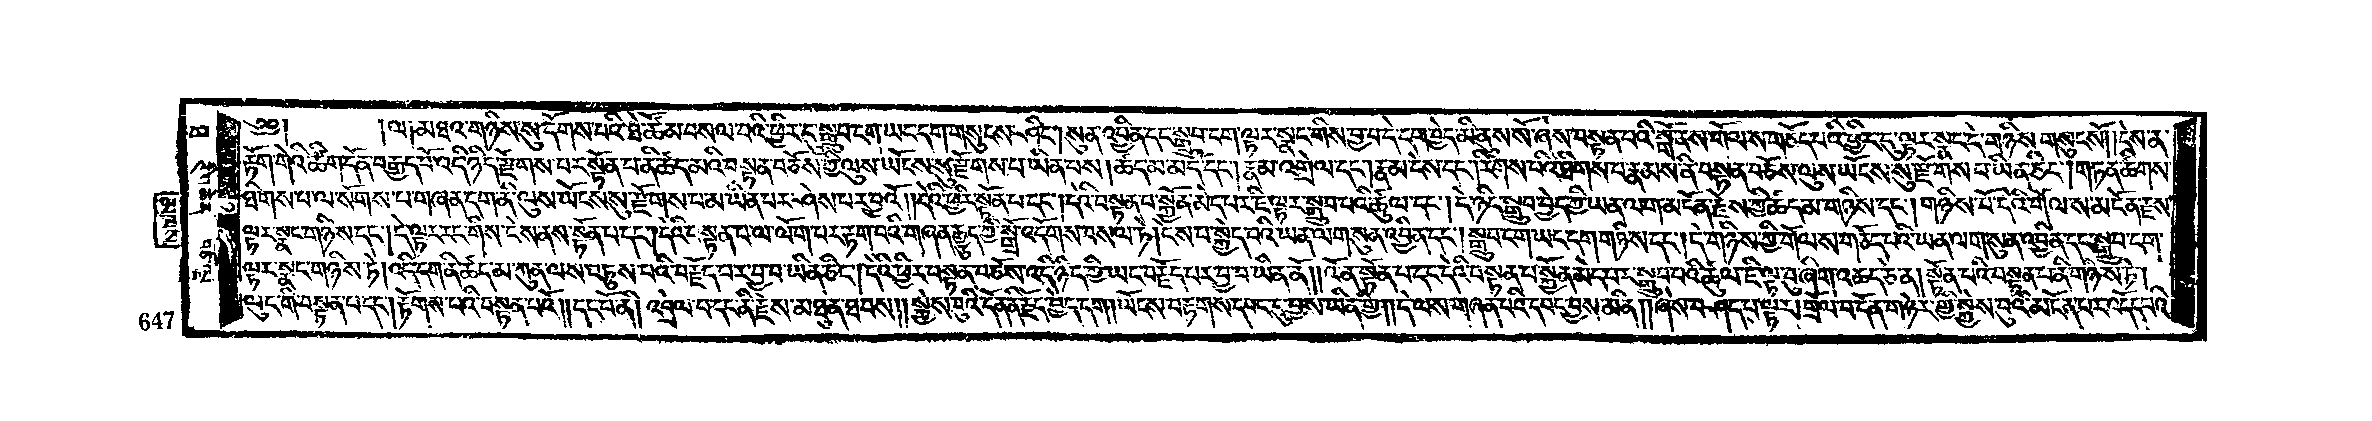༄༅། །ལ༑ མཐའ་གཉིས་སུ་དགོས་པའི་ཐེ་ཚོམ་བསལ་བའི་ཕྱིར་དུ་སྒྲུབ་ངག་ཡང་དག་གསུངས་ཤིང་། སུན་འབྱིན་དང་སྒྲུབ་ངག་ལྟར་སྣང་གིས་བྱ་བ་དེ་དག་བྱེད་མི་ནུས་སོ་ཞེས་བསྟན་པའི་སྒོ་ནས་གོས་ས་གཅོད་པའི་ཕྱིར་དུ་ལྟར་སྣང་དེ་གཉིས་གསུངས་སོ། །དེས་ན་
རྟོག་གེའི་ཚིག་དོན་བརྒྱད་པོ་འདི་ཉིད་རྫོགས་པར་སྟོན་པ་ནི་ཚད་མའི་བསྟན་བཅོས་ཀྱི་ལུས་ཡོངས་སུ་རྫོགས་པ་ཡིན་པས། ཚད་མ་མདོ་དང་། རྣམ་འགྲེལ་དང་། རྣམ་ངེས་དང་། རིགས་པའི་ཐིགས་པ་རྣམས་ནི་བསྟན་བཅོས་ལུས་ཡོངས་སུ་རྫོགས་པ་ཡིན་ཅིང་། གཏན་ཚིགས་
ཐིགས་པ་ལ་སོགས་པ་གཞན་དག་ནི་ལུས་ཡོངས་སུ་རྫོགས་པ་མ་ཡིན་པར་ཤེས་པར་བྱའོ། །དེའི་ཕྱིར་སྟོན་པ་དང་། དེའི་བསྟན་པ་སྐྱོན་མེད་པར་ཇི་ལྟར་སྒྲུབ་པའི་ཚུལ་དང་། དེ་ཉིད་སྒྲུབ་བྱེད་ཀྱི་ཡན་ལག་མངོན་རྗེས་ཀྱི་ཚད་མ་གཉིས་དང་། གཉིས་པོ་དེའི་གོལ་ས་མངོན་རྗེས་
ལྟར་སྣང་གཉིས་དང་། དེ་ལྟར་རང་གིས་ངེས་ནས་སྟོན་པ་དང་། དེའི་བསྟན་པ་ལ་ལོག་པར་རྟག་བའི་གཞན་རྒྱུད་ཀྱི་སྒྲོ་འདོགས་བསལ་ཏེ། ངེས་པ་སྐྱེད་པའི་ཡན་ལག་སུན་འབྱིན་དང་། སྒྲུབ་ངག་ཡང་དག་གཉིས་དང་། དེ་གཉིས་ཀྱི་གོལ་ས་གཅོད་པའི་ཡན་ལག་སུན་འབྱིན་དང་སྒྲུབ་ངག་
ལྟར་སྣང་གཉིས་ཏེ། འདི་དག་ནི་ཚད་མ་ཀུན་ལས་བཏུས་པའི་བརྗོད་པར་བྱ་བ་ཡིན་ཅིང་། དེའི་ཕྱིར་བསྟན་བཅོས་འདི་ཉིད་ཀྱི་ཡང་བརྗོད་པར་བྱ་བ་ཡིན་ནོ། །འོ་ན་སྟོན་པ་དང་དེའི་བསྟན་པ་སྐྱོན་མེད་པར་སྒྲུབ་པའི་ཚུལ་ཇི་ལྟ་བུ་ཞིག་འཆད་ཅི་ན། སྟོན་པའི་བསྟན་པ་ནི་གཉིས་ཏེ།
ལུང་གི་བསྟན་པ་དང་། རྟོགས་པའི་བསྟན་པའོ། །དང་པོ་ནི། འབྲེལ་བ་དང་ནི་རྗེས་མཐུན་ཐབས། །སྐྱེས་བུའི་དོན་ནི་རྗོད་བྱེད་དག། ཡོངས་བརྟགས་དབང་དུ་བྱས་ཡིན་གྱི། །དེ་ལས་གཞན་པའི་དབང་བྱས་མིན། །ཞེས་བཤད་པ་ལྟར། གྲོལ་བ་དོན་གཉེར་གྱི་སྐྱེས་བུའི་མངོན་པར་འདོད་པའི་